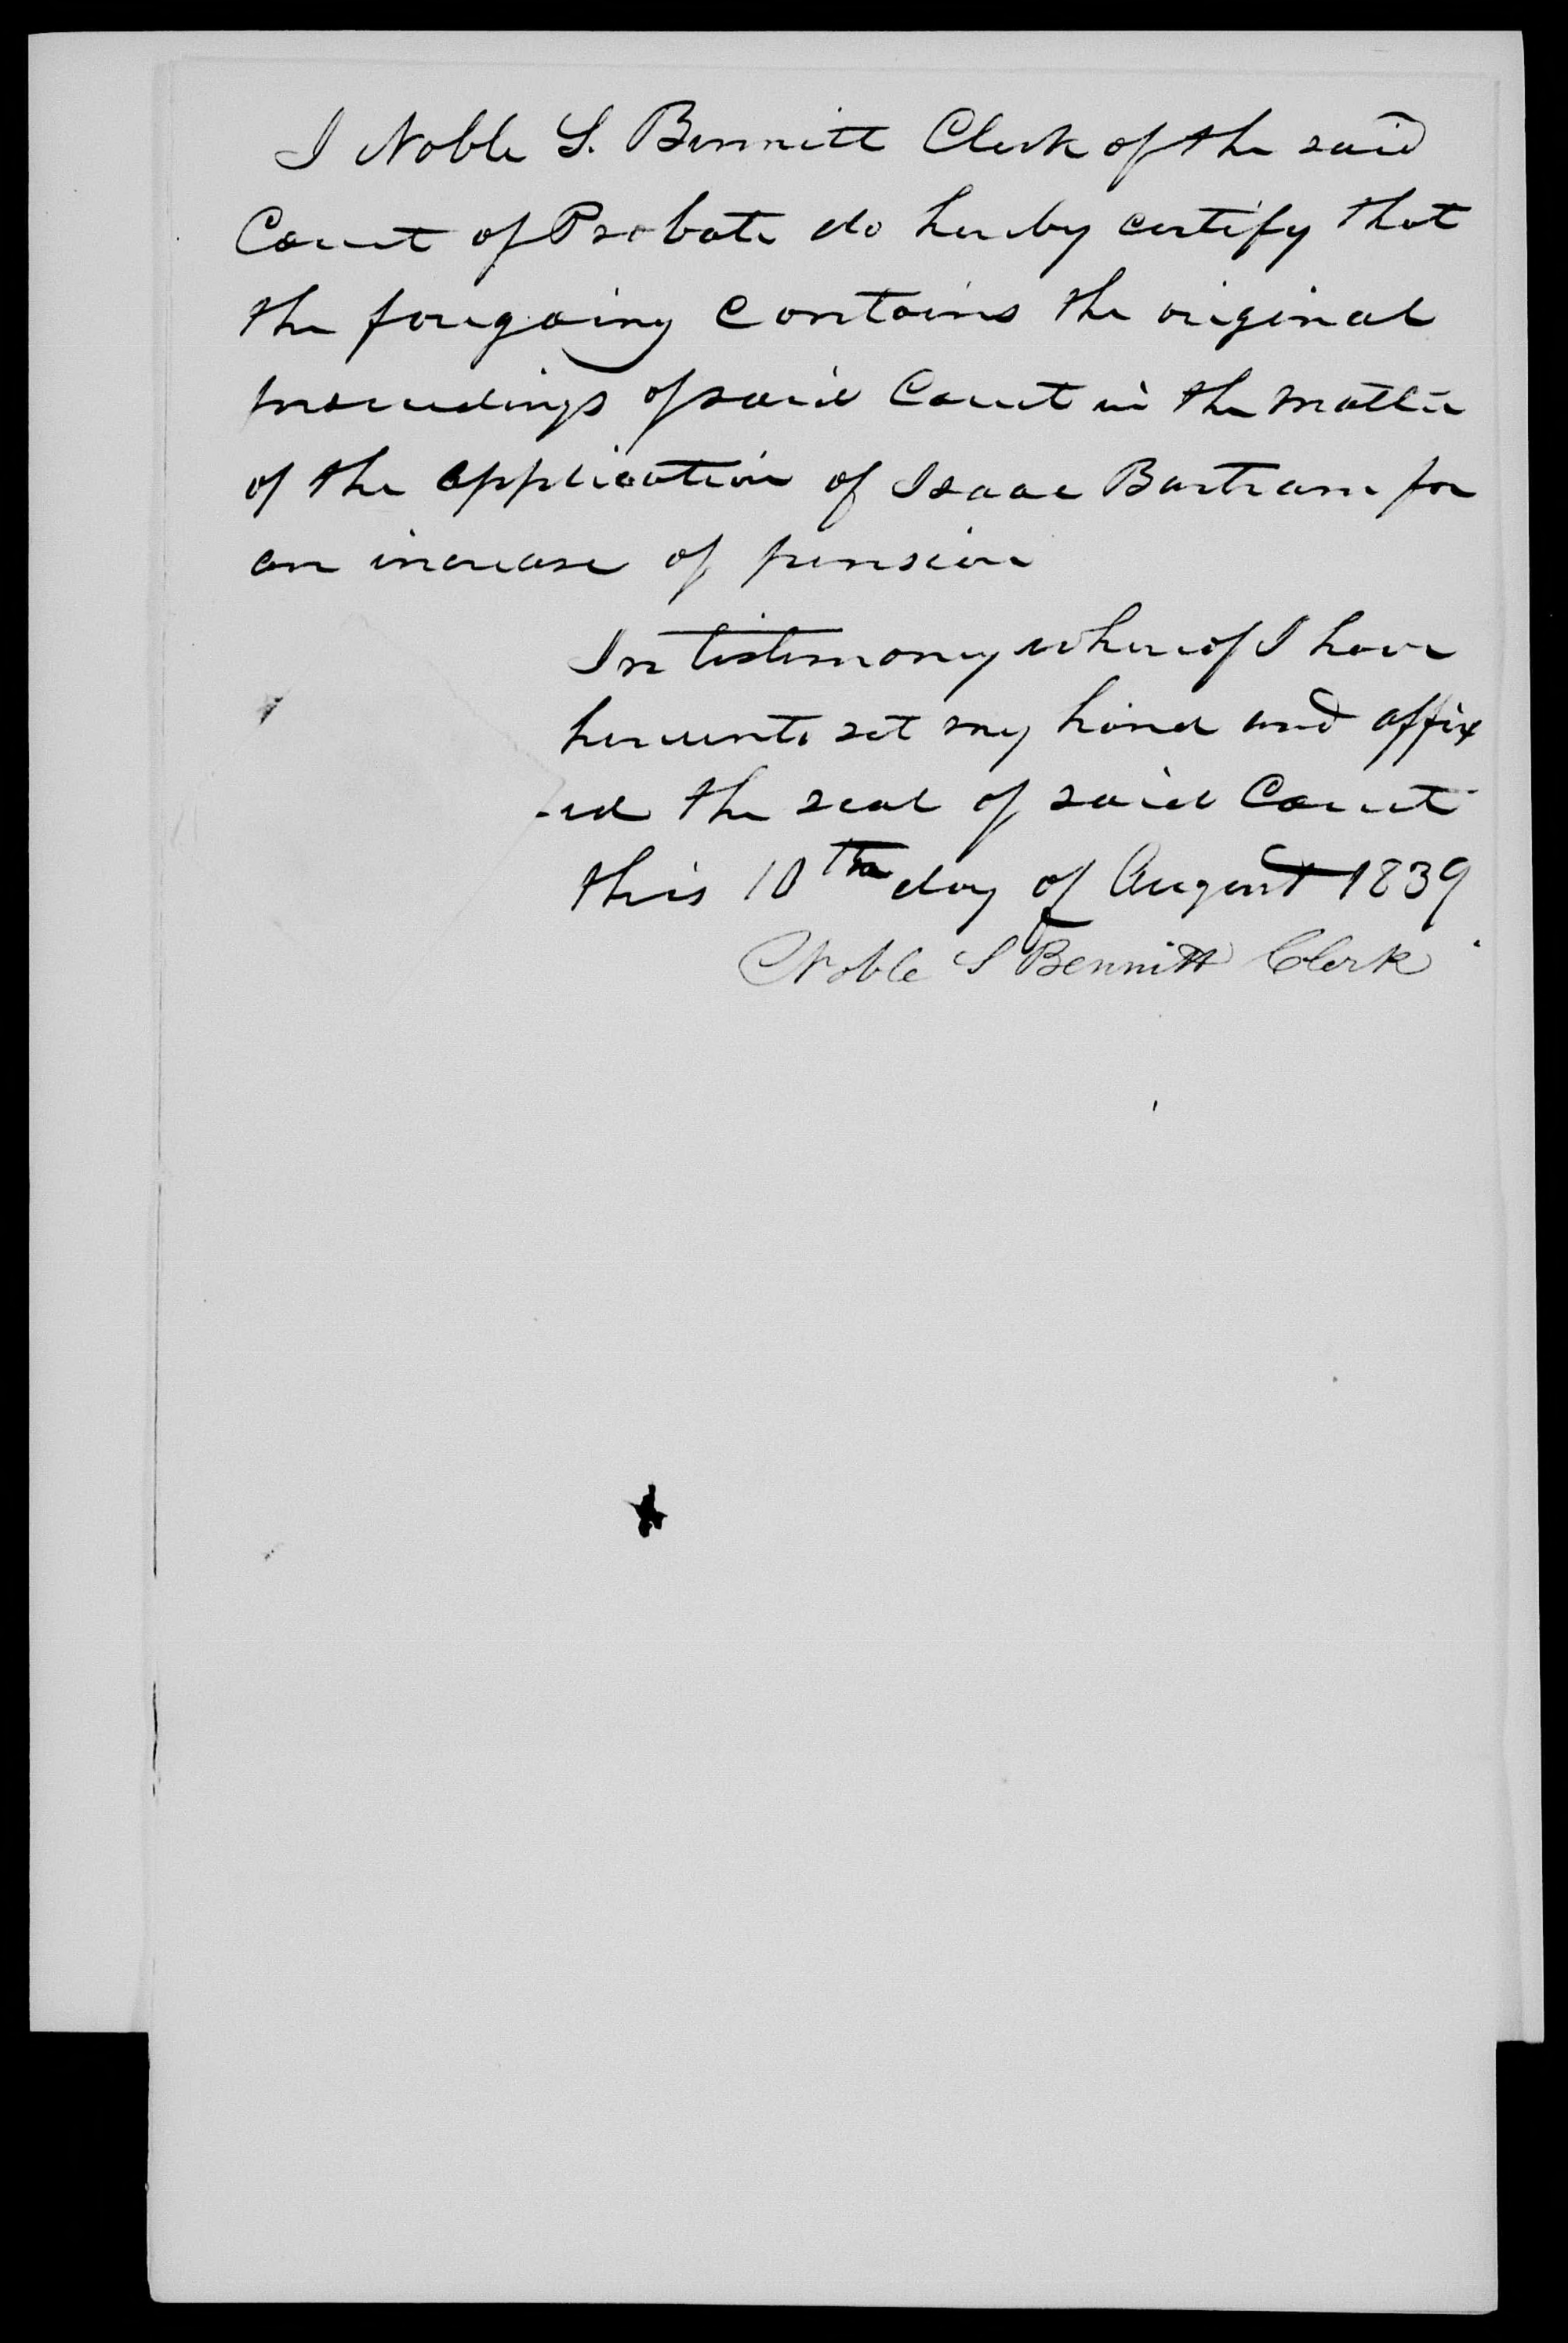I Noble S. Bennitt Clerk of the said
Court of Probate do hereby certify that
the foregoing contains the original
proceedings of said Court in the matter
of the application of Isaac Bartram for
an increase of pension

In testimony whereof I have
hereunto set my hand and affixed
the seal of said Court
this 10th day of August 1839
Noble S Bennitt Clerk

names: Noble S Bennitt, Noble S Bennitt, Isaac Bartram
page: 33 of 39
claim: survivor's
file: S. 12110, Isaac Bartram, Continental (Conn)